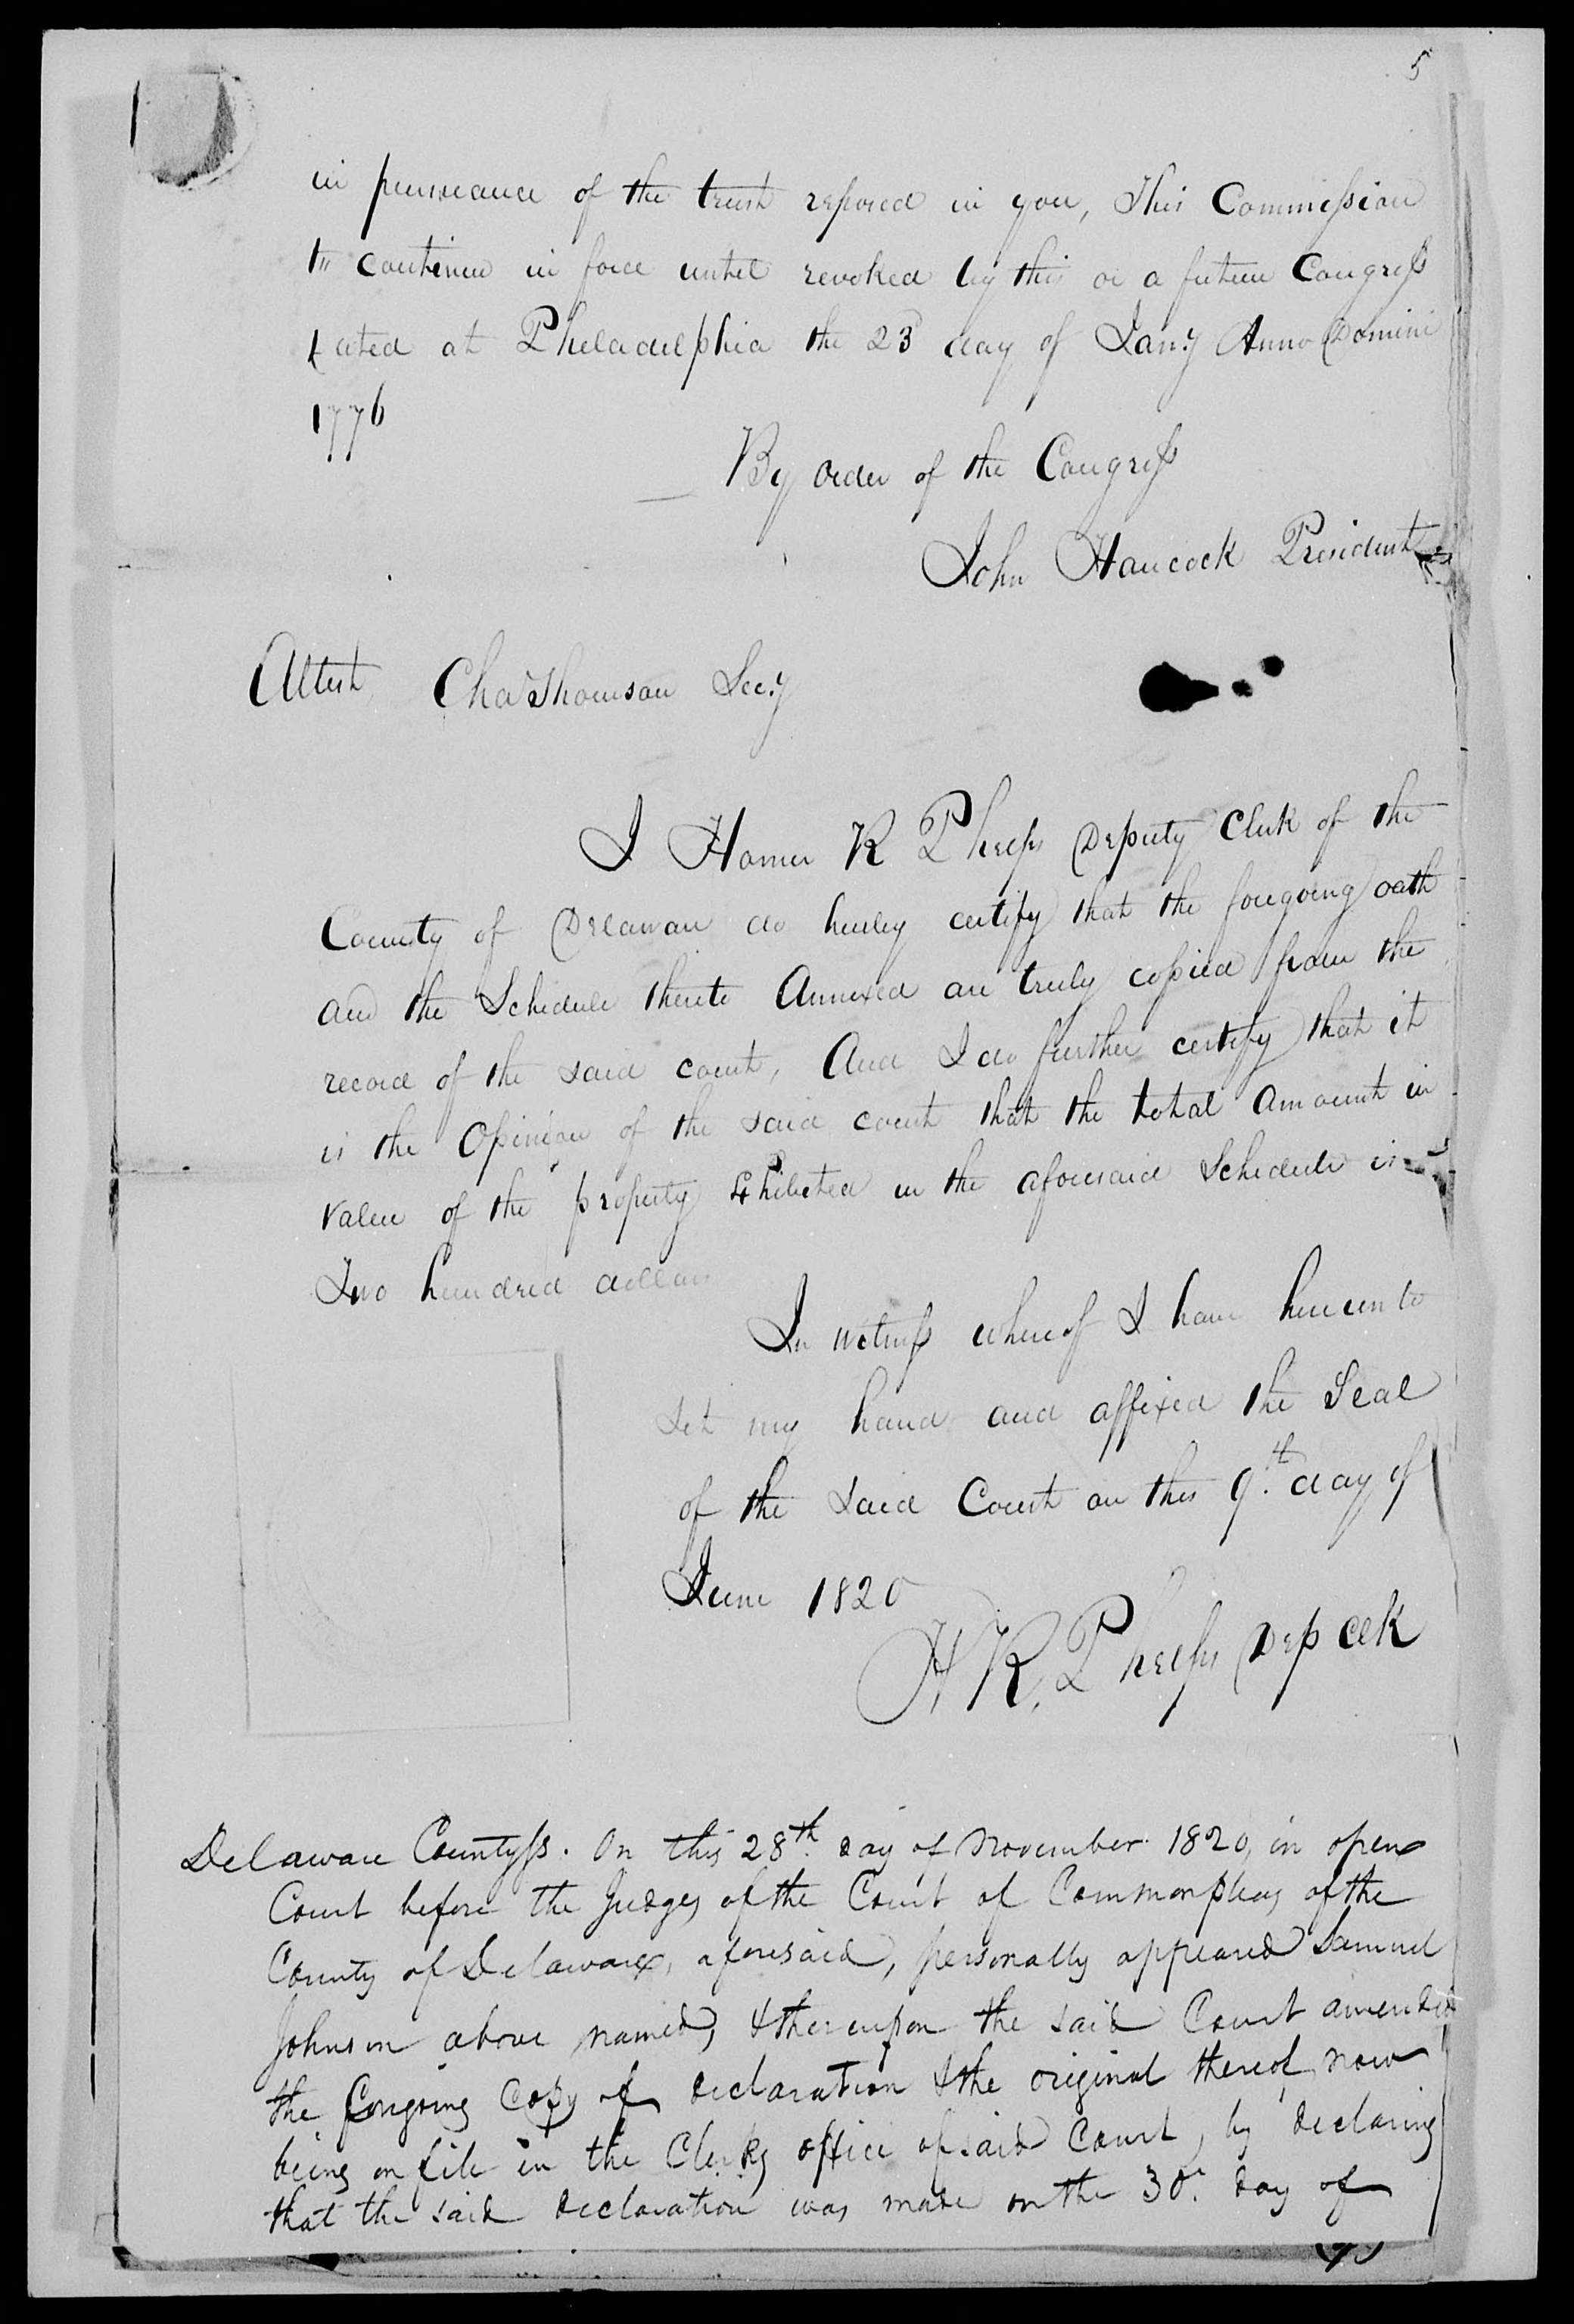in pursuance of the trust reposed in you. This Commission to continue in force until revoked by this or a future Congress Dated at Philadelphia the 23d day of Jany Anno Domini 1776 
By Order of the Congress 
John Hancock President 
Attest Chas Thomson Sec. 
I Homer R Phelps Deputy Clerk of the County of Delaware do hereby certify that the foregoing oath and the Schedule thereto annexed are truly copied from the record of the said Court, and I do further certify that it is the opinion of the said Court that the total amount in Value of the property Exhibited in the aforesaid Schedule is Two hundred dollars 
In witness whereof I have hereunto set my hand and affixed the Seal of the said Court on this 9th day of June 1820 
H R. Phelps Dep clk 
Delaware County ss. On this 28th day of November 1820 in open Court before the Judges of the Court of Common pleas of the County of Delaware, aforesaid, personally appeared Samuel Johnson above named, & there upon the said Court, amended the foregoing copy of declaration & the original thereof now being on file in the Clerks office of said Court, by declaring that the said declaration was made on the 30th day of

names: Cha Thomson; John Hancock; Samuel Johnson; Homer R Phelps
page: 12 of 43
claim: rejected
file: R. 5655, for Samuel Johnson, Connecticut